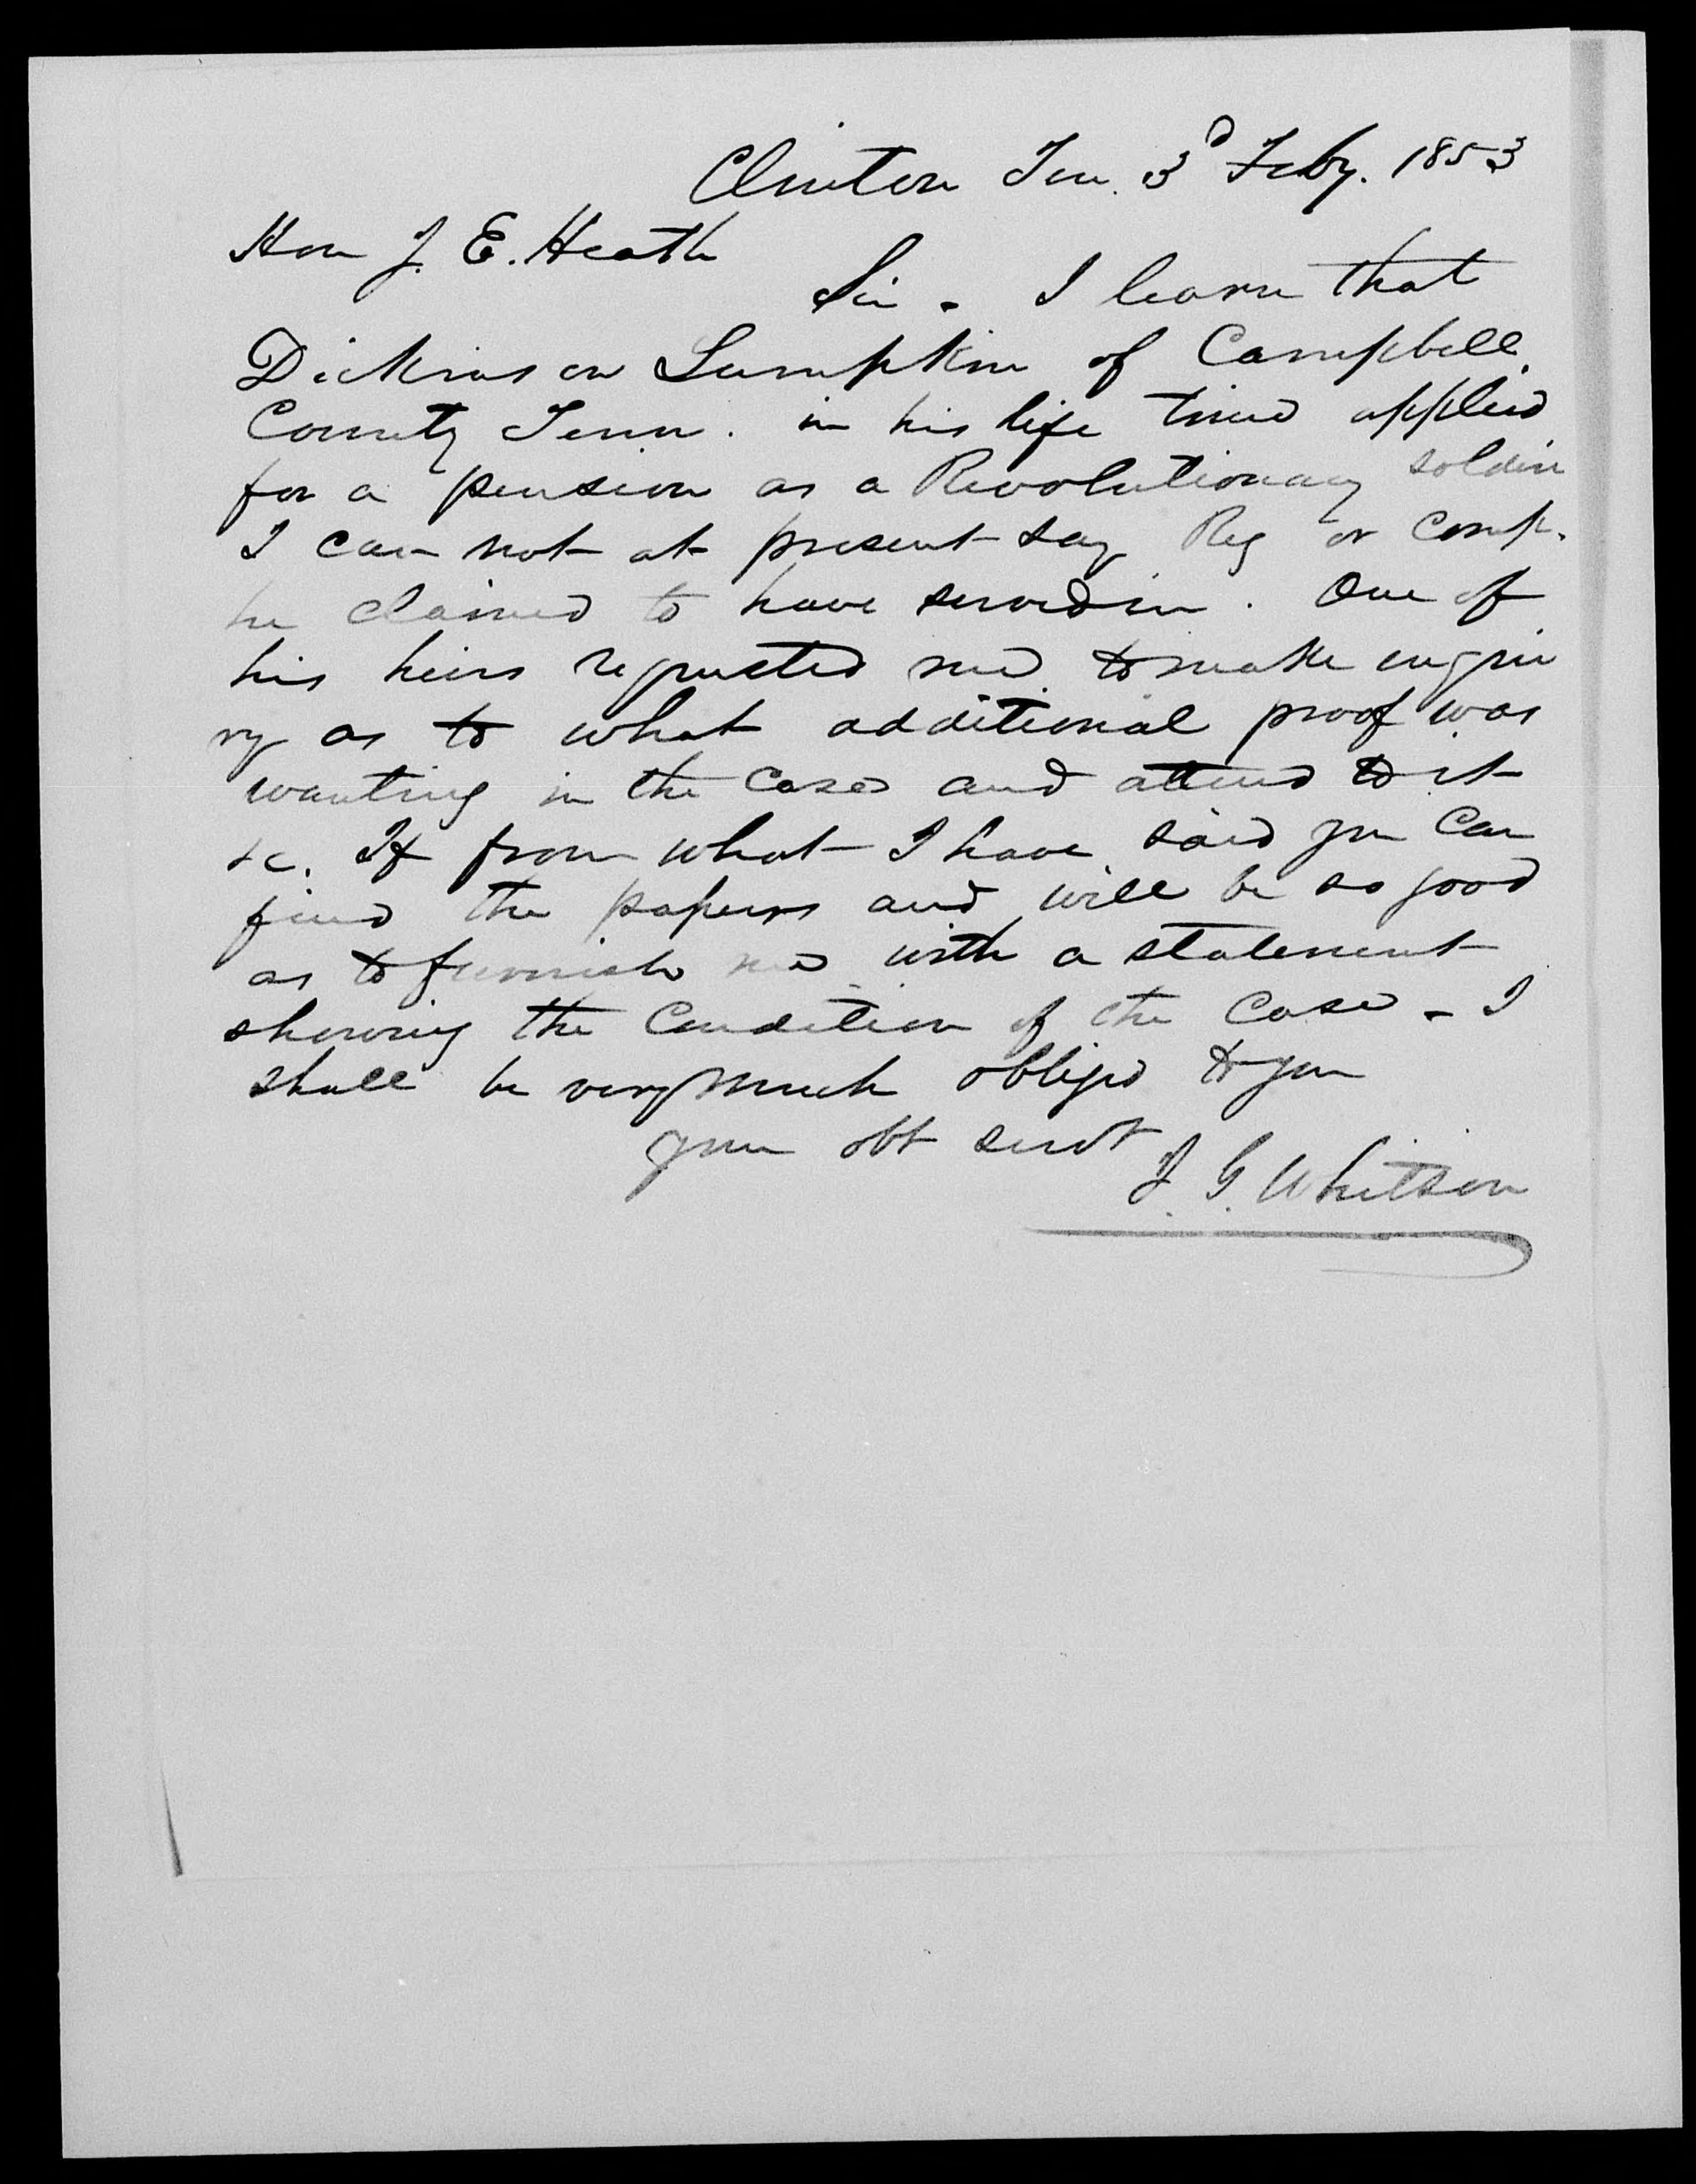(Handwritten document)

Clinton Ten 3d Feby. 1853
Hon J. E. Heath
Sir

I learn that Dickinson Lumpkin of Campbell
County Tenn. in his life time applied for a pension as a Revolutionary soldier
I can not at present say Reg or comp
he claimed to have served in. One of
his heirs requested me to make inquiry as to what additional proof was wanting in the case and attend to it &c. If from what I have said you can find the papers and will be as good
as to furnish me with a statement showing the condition of the case. I shall be very much obliged to you

Your obt sevt
J. G. Whitson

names: J E Heath; J G Whitson; Dickinson Lumpkin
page: 24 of 37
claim: rejected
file: R. 6521, for Dickeson Lumpkin, Pennsylvania